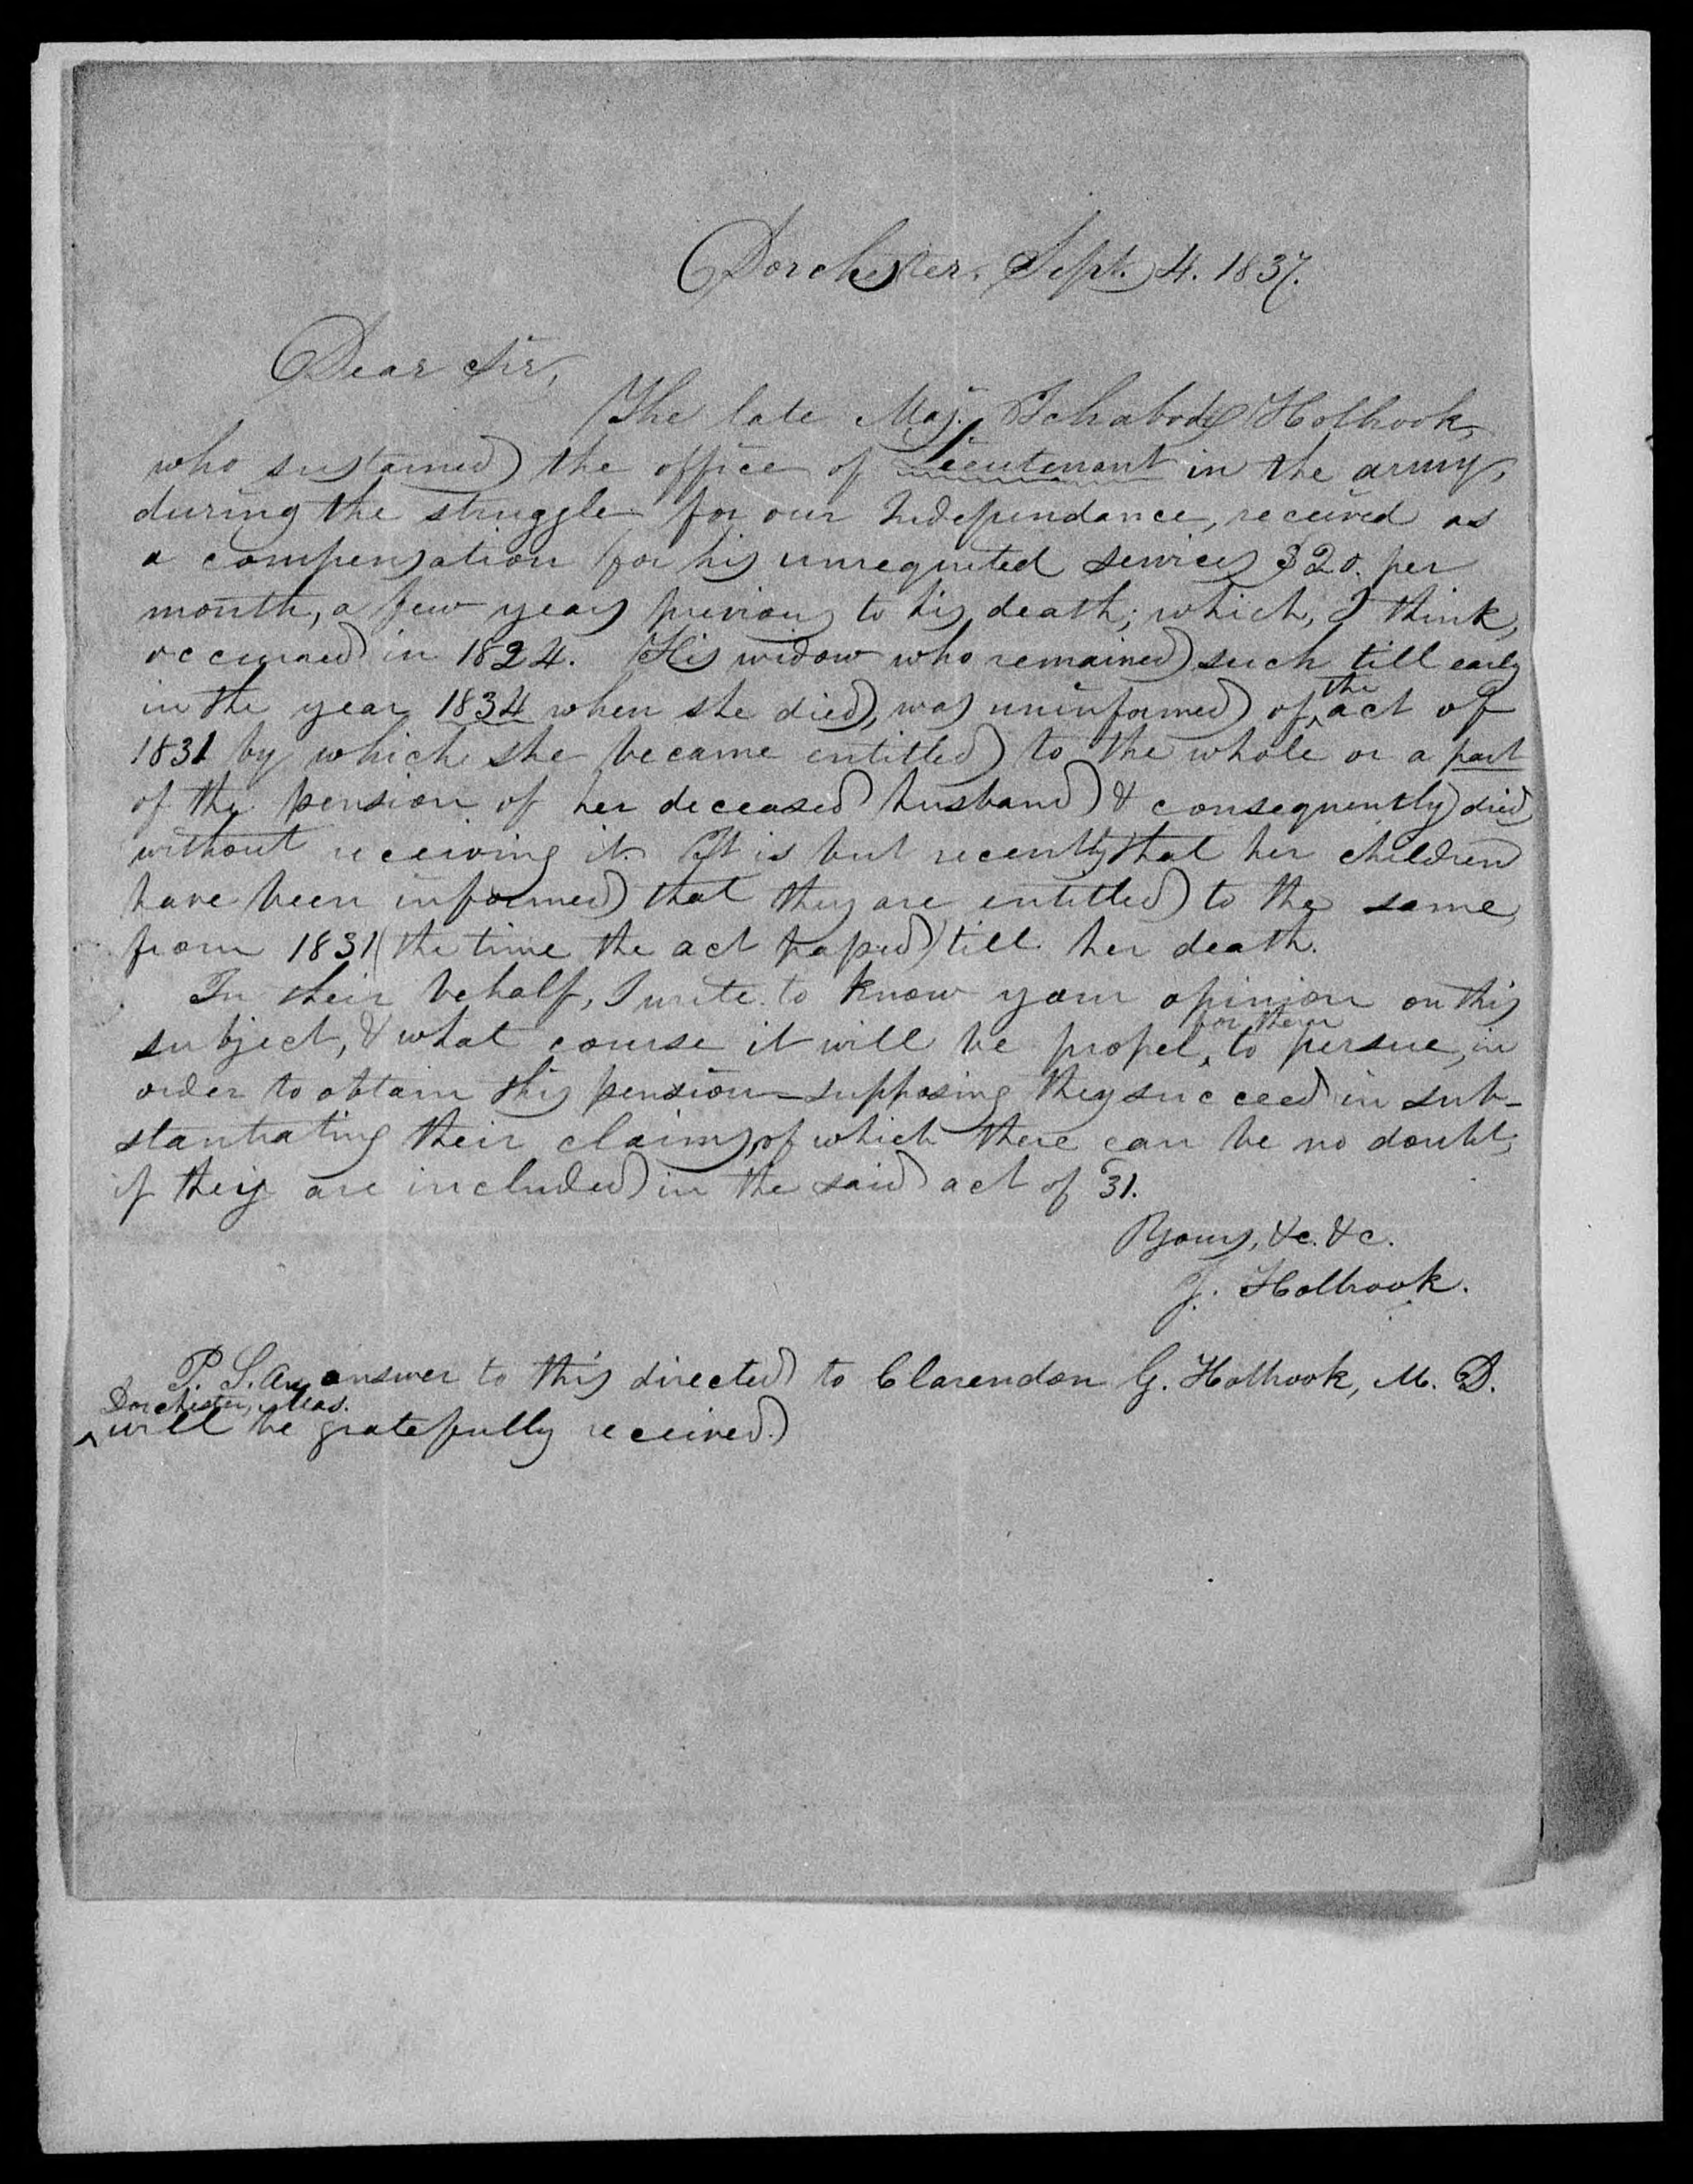Dorchester, Sept. 4. 1837.

Dear Sir,

The late Maj. Ichabod Holbrook, who sustained the office of Lieutenant in the army, during the struggle for our Independence, secured as a compensation for his unrequited services $20. per month, a few years previous to his death, which, I think, occurred in 1824. His widow who remained such till early in the year 1834. His widow who remained such till early in the year 1834 when she died, was uninformed of the act of 1831 by which she became entitled to the whole or a part of the pension of her deceased husband & consequently died without receiving it. It is but recently that her children have been informed that they are entitled to the same, from 1831 (the time the act passed) till her death.

In their behalf, I write to know your opinion on this subject, & what course it will be proper for them to persue, in order to obtain this pension – supposing they succeed in substantiating their claims of which there can be no doubt, if they are included in the said act of '31.

Yours, &c. &c.
J. Holbrook.

P. S. An answer to this directed to Clarendon G. Holbrook, M. D. Dorchester, Mas. will be gratefully received.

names: Ichabod Holbrook, Clarendon G Holbrook, I Holbrook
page: 8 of 15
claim: survivor's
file: S. 32,852, Ichabod Holbrook, Continental Mass.